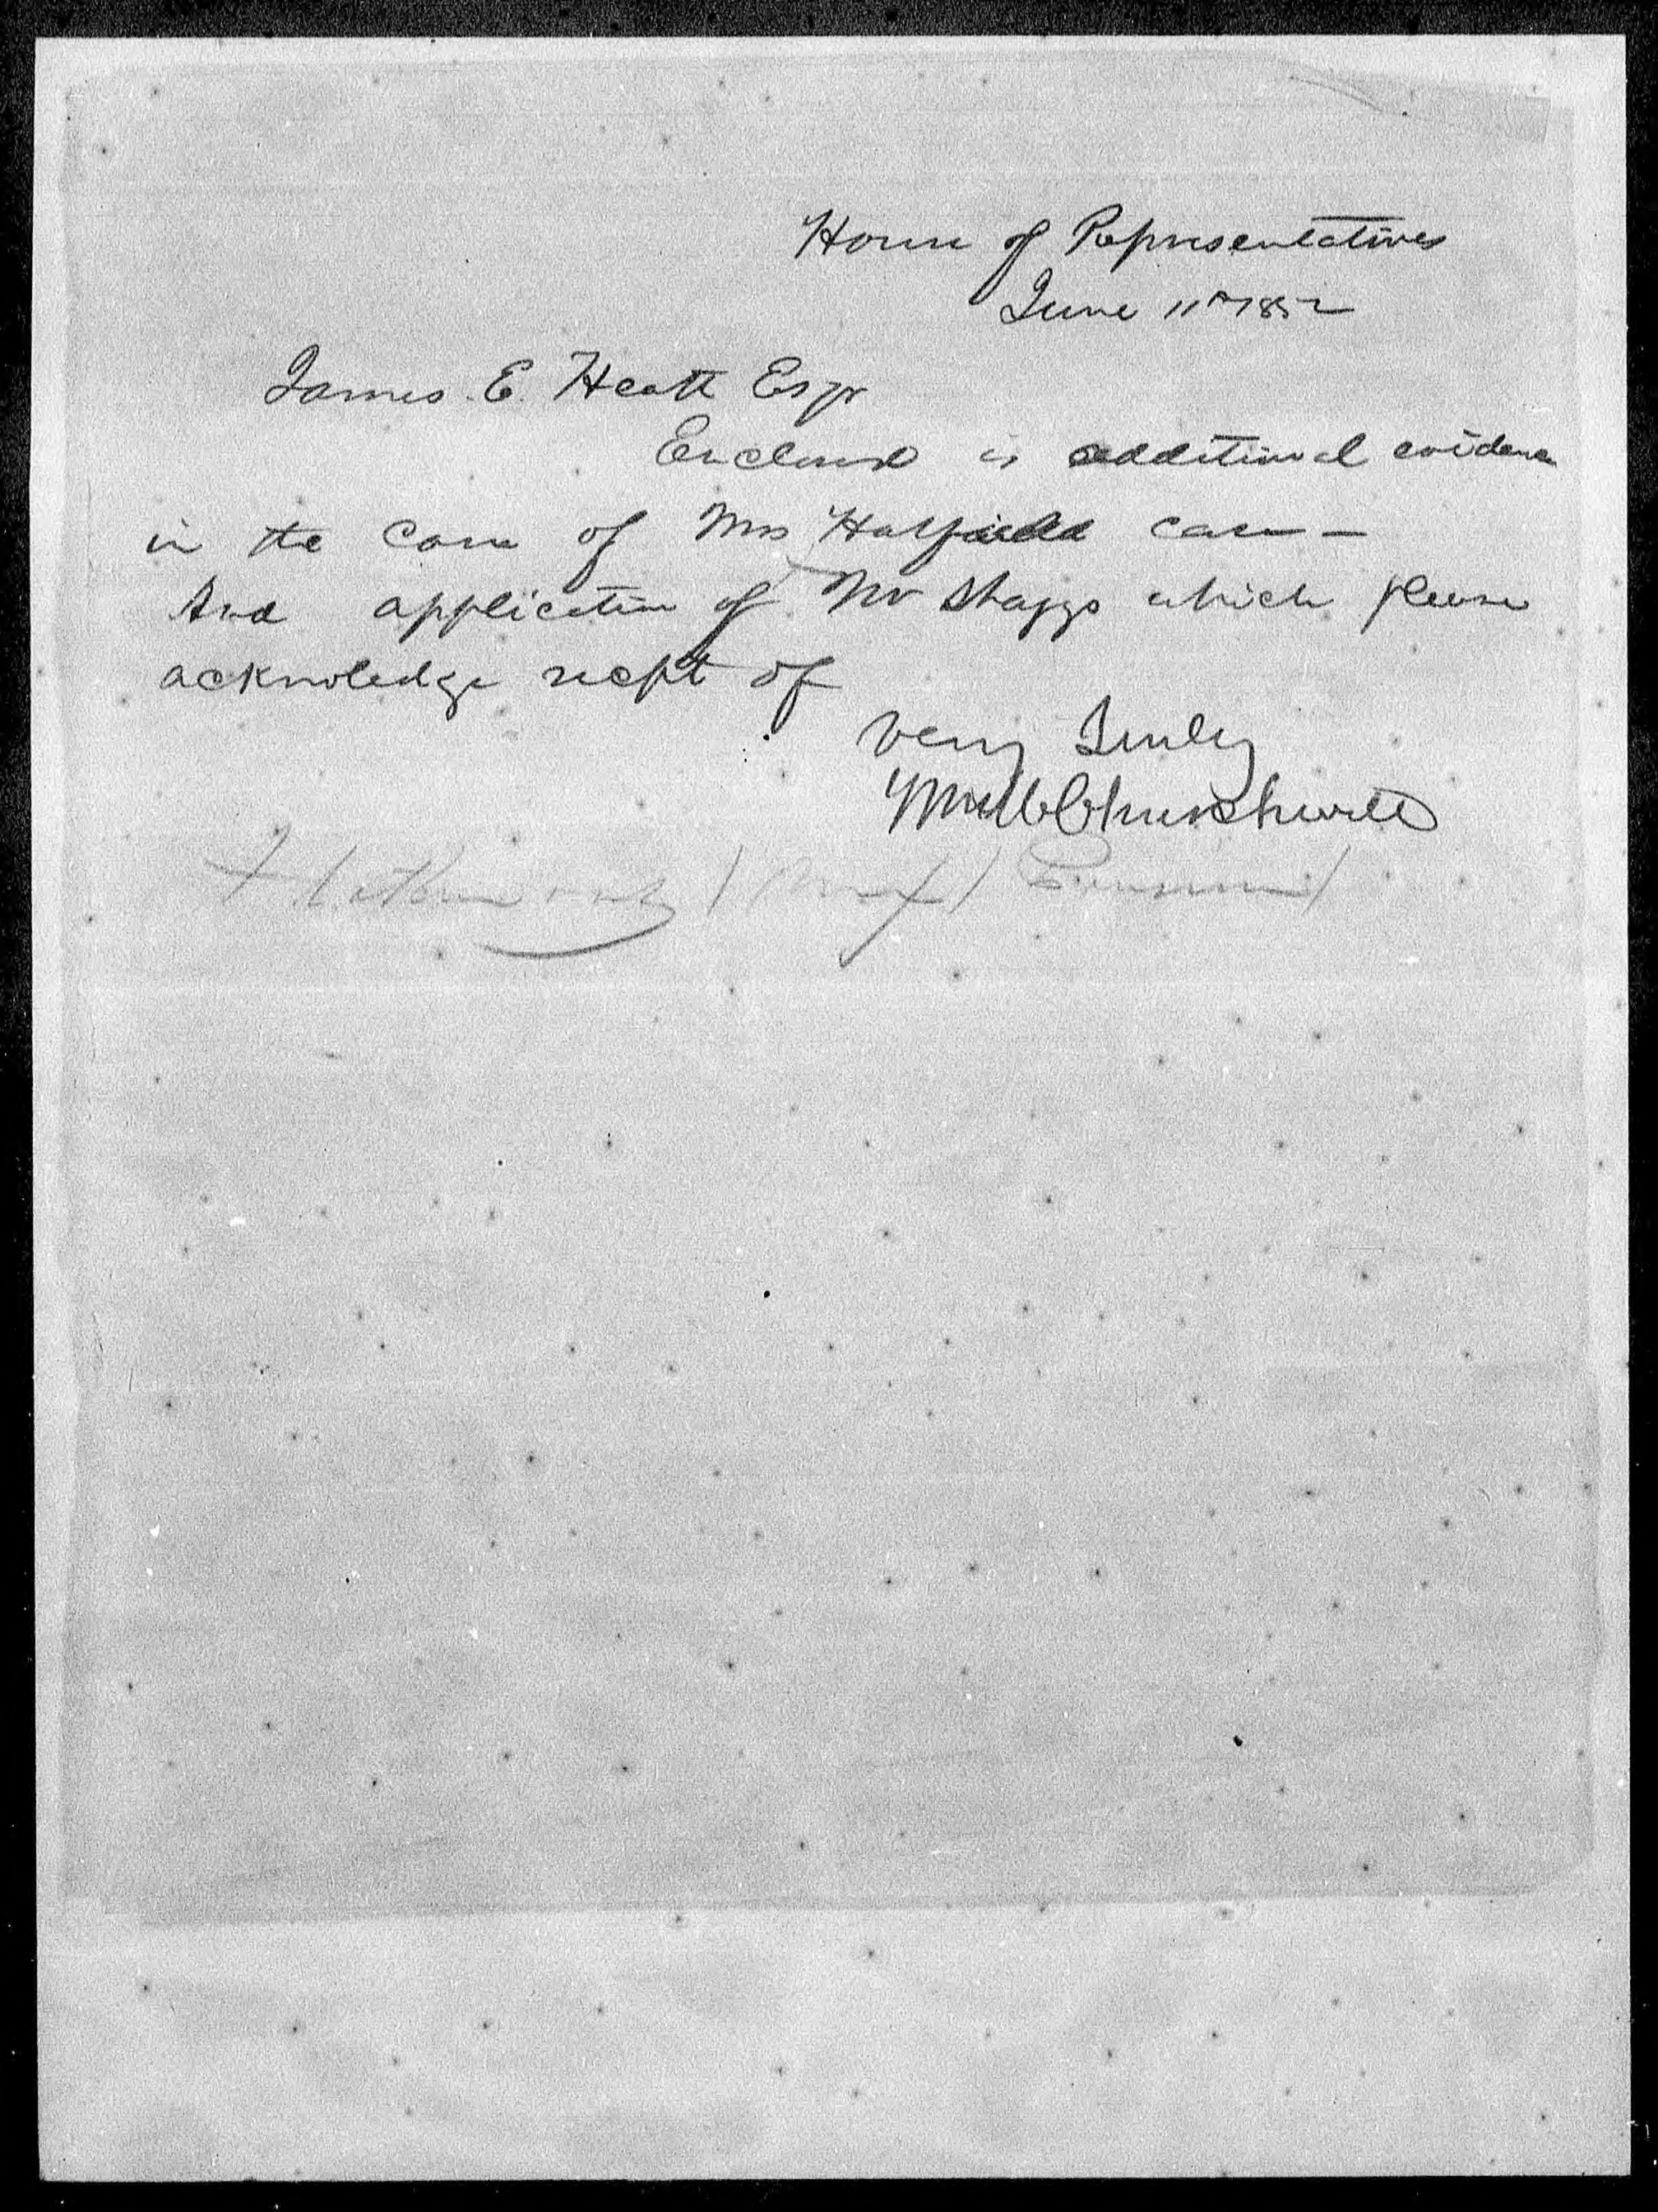House of Representatives June 11 1852

James E Heath Esqr
Enclosed is additional evidence in the case of Mrs Hatfield case. And application of Mr Shaggs which please acknowledge recpt of
Very truly
Wm M Churchwell

(illegible) only/ Knox/ Pension/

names: James E Heath, Staggs, Wm M Churchwell, Hatfield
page: 14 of 74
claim: widow's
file: W. 5, Joseph Hatfield, Va.